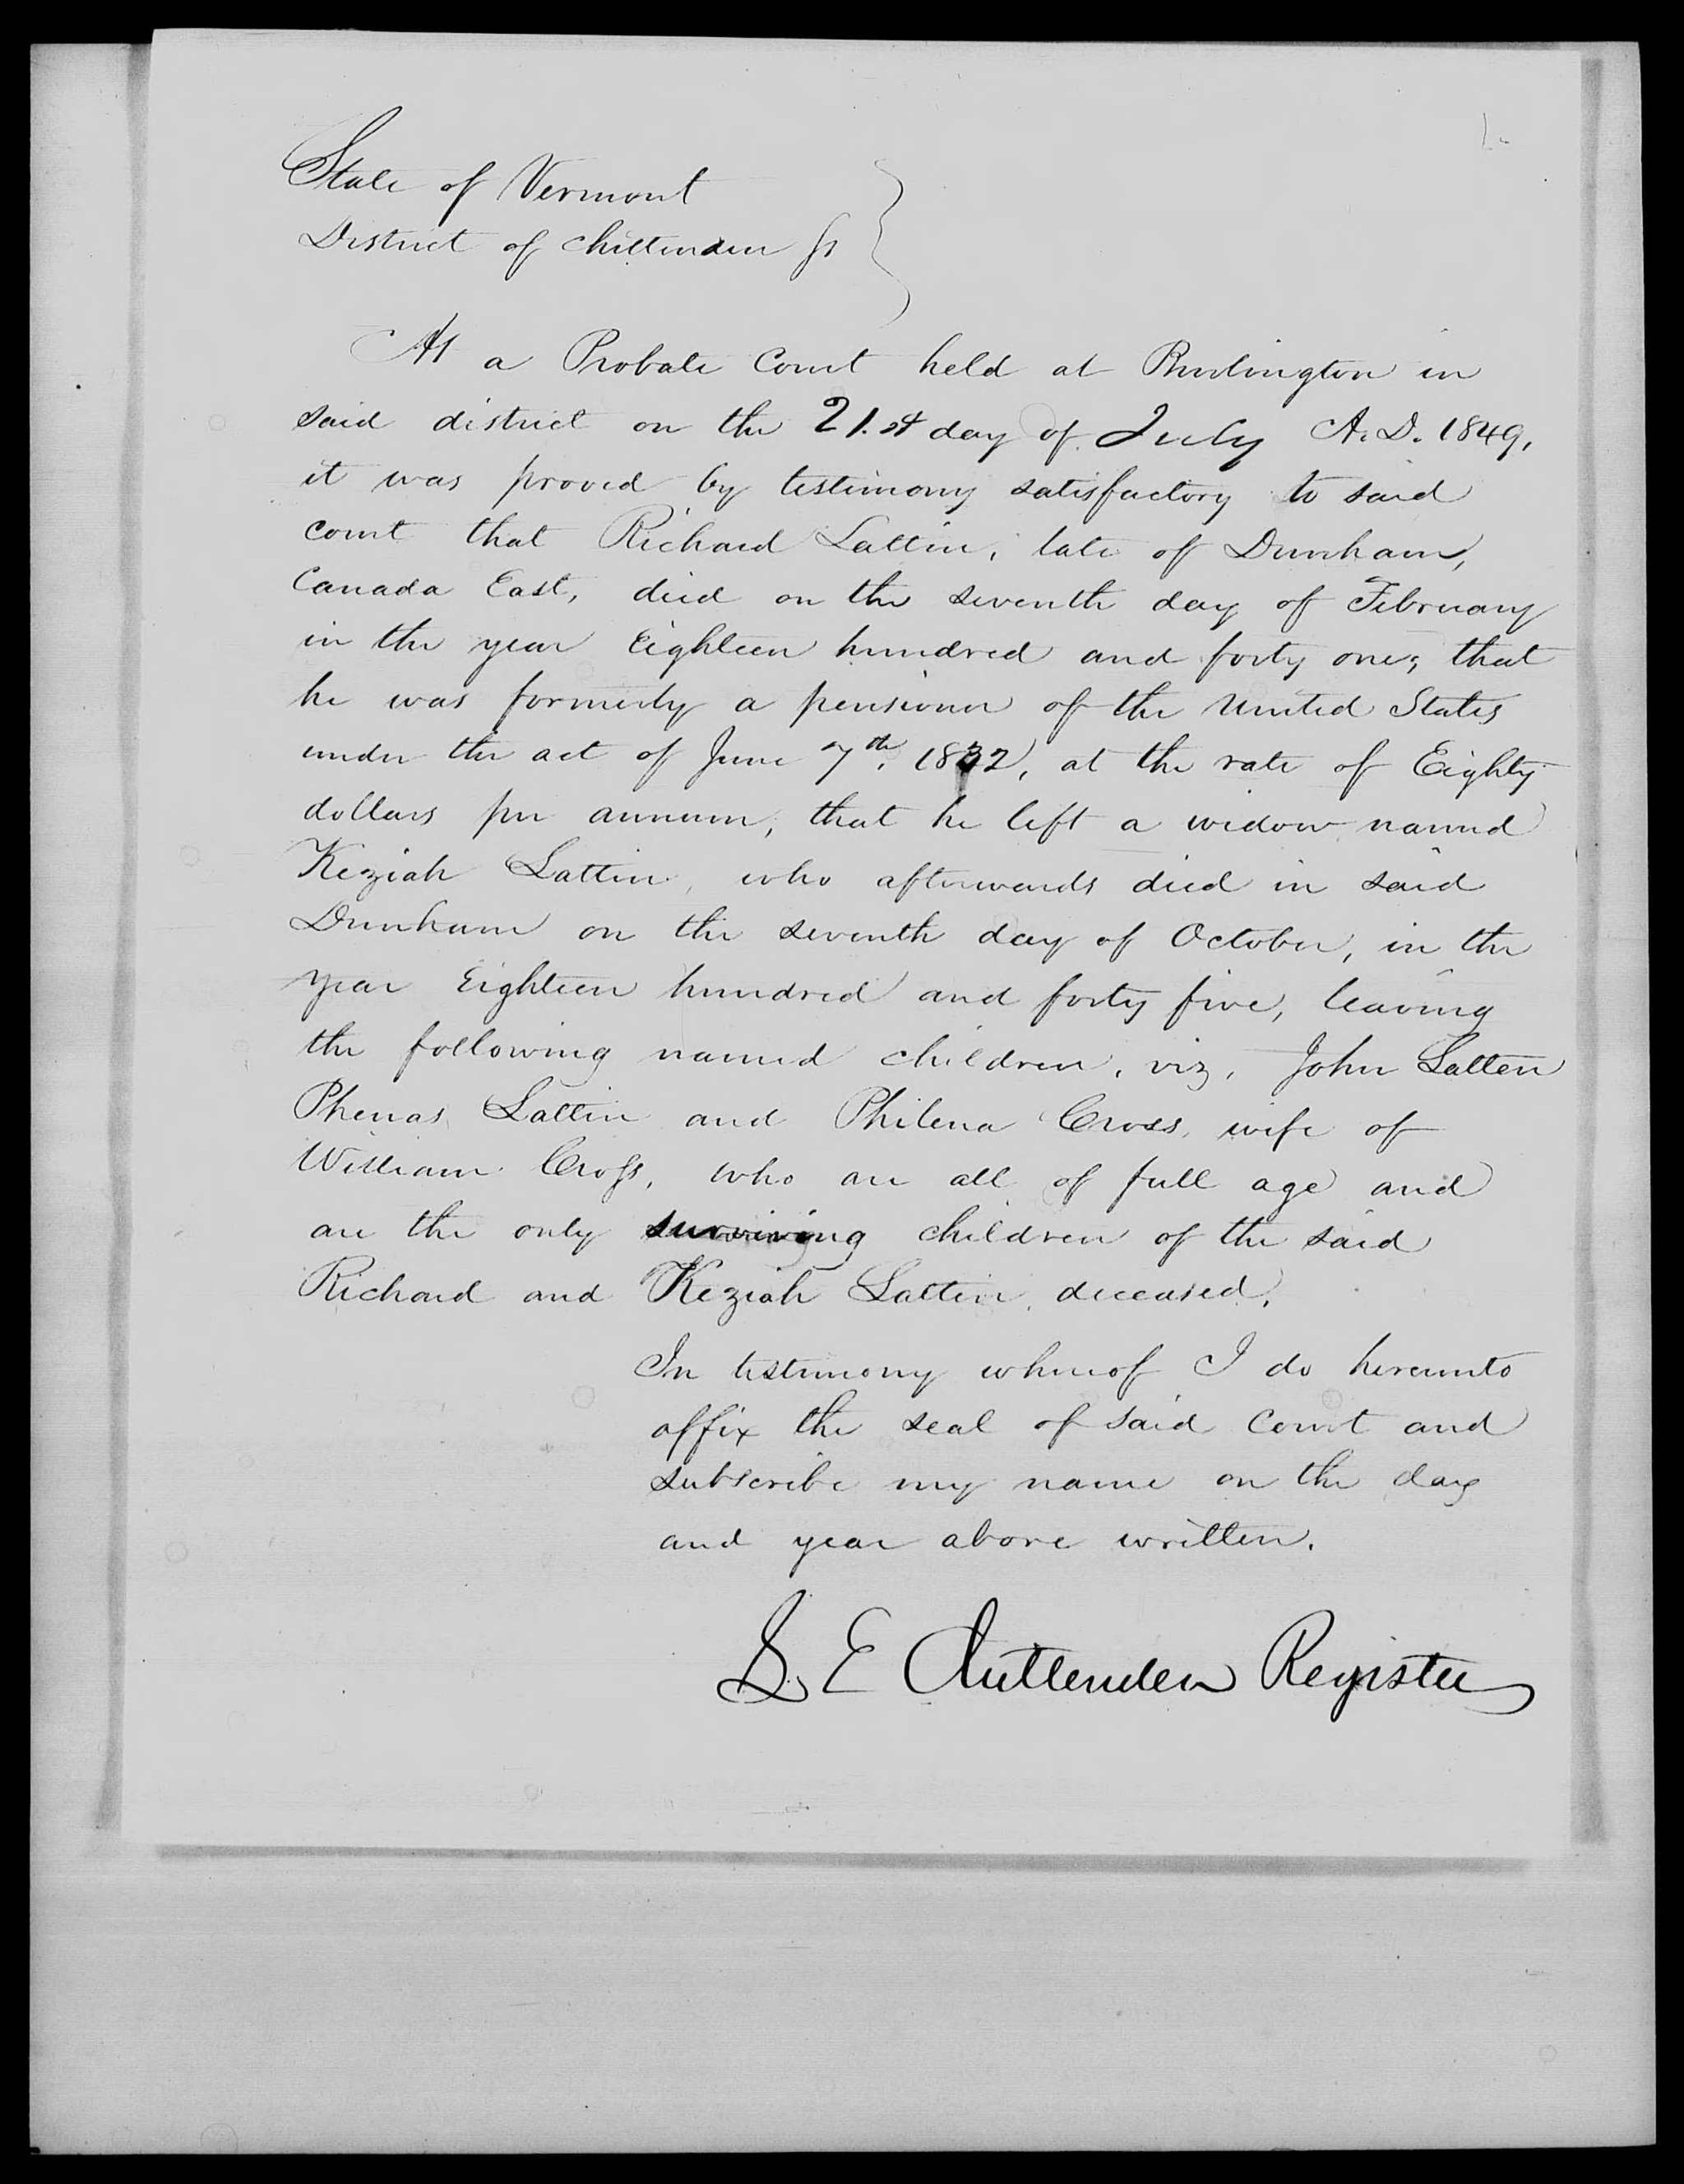State of Vermont District of Chittenden ss
At a Probate Court held at Burlington in
said district on the 21st day of July A.D. 1849.
it was proved by testimony satisfactory to said
Court that Richard Lattin, late of Dunham,
Canada East, died on the seventh day of February
in the year Eighteen hundred and forty one, that
he was formerly a pensioner of the United States
under the act of June 7th 1832, at the rate of Eighty
dollars per annum; that he left a widow named
Keziah Lattin, who afterwards died in said
Dunham on the seventh day of October, in the
year Eighteen hundred and forty five, leaving the
following named children, viz,
John Lattin, Phenas Lattin and Philena Cross, 
wife of William Cross, who are all of full age and
are the only surviving children of the said
Richard and Keziah Lattin deceased.

In testimony whereof I do hereunto affix the seal of said Court and subscribe my name on the day and year above written
S E [Ruttenden] Register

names: Phenas Lattin; S E Chittenden; William Cross; Philena Cross; John Latten; Richard Lattin; Keziah Lattin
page: 32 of 99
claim: widow's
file: W. 24,482, for Richard Lattin, Vermont